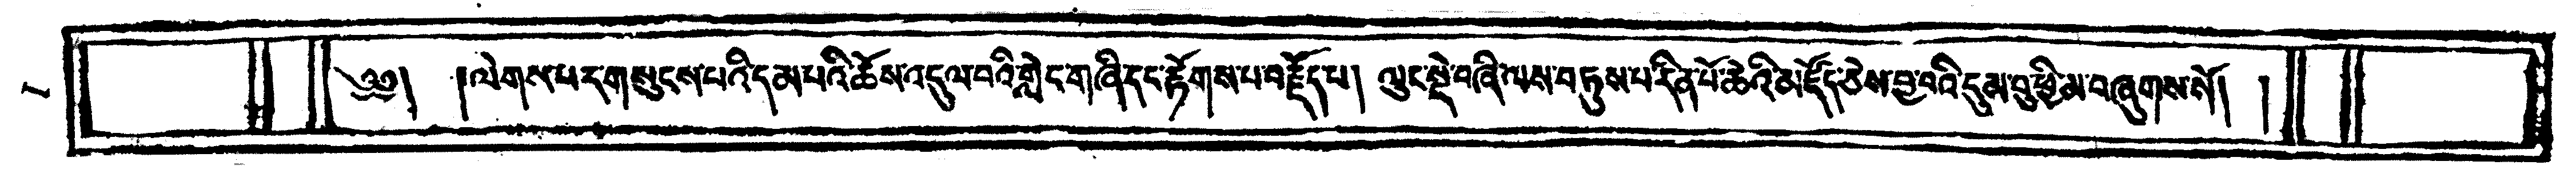༄༅། །ལེགས་པར་གསུངས་པའི་དམ་པའི་ཆོས་འདུལ་བའི་གླེང་གཞི་དང་རྟོགས་པ་བརྗོད་པ། ལུང་སྡེ་བཞི་ལས་བཏུས་པ་རིན་པོ་ཆེའི་མཛོད་ཅེས་བྱ་བའི་དུམ་བུ་ཕྱི་མ་བཞུགས་སོ། །